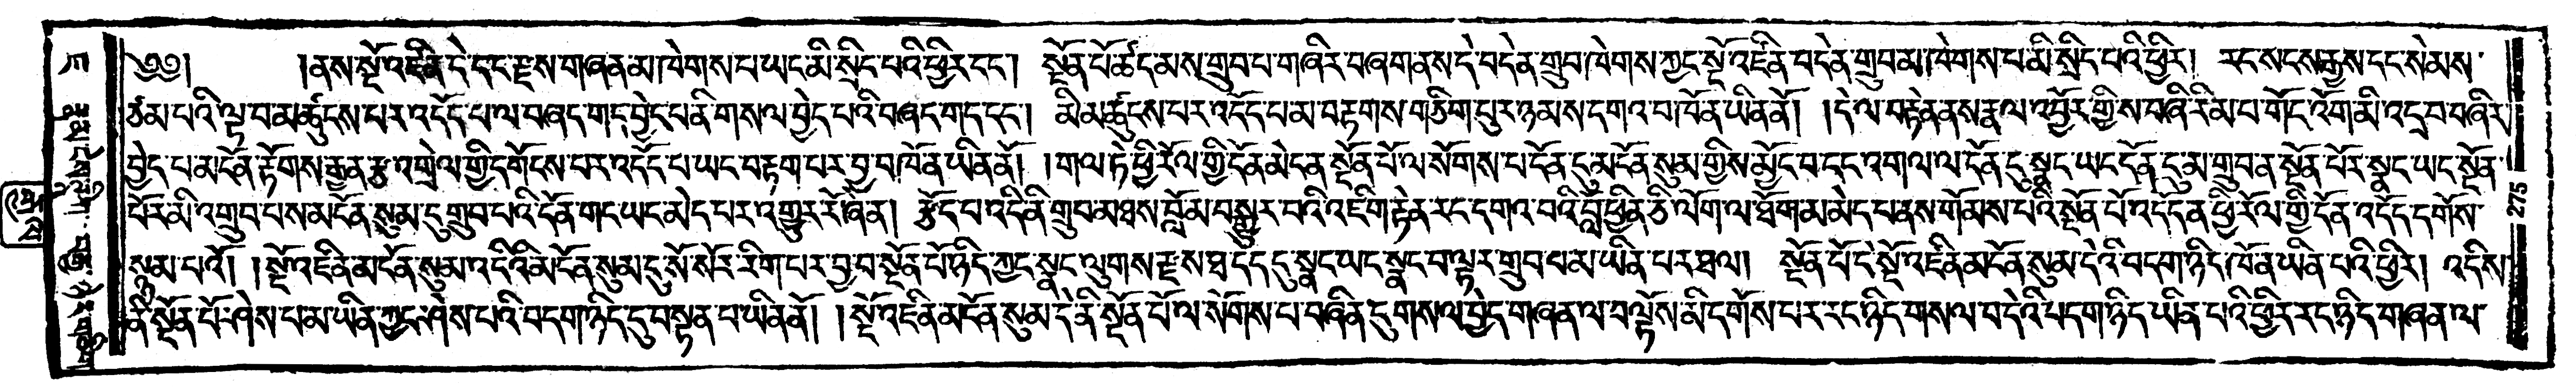༄༅། །ནས་སྔོ་འཛིན་དེ་དང་རྫས་གཞན་མ་ཁེགས་པ་ཡང་མི་སྲིད་པའི་ཕྱིར་དང་། སྔོན་པོ་ཚད་མས་གྲུབ་པ་གཞིར་བཞག་ནས་དེ་བདེན་གྲུབ་ཁེགས་ཀྱང་སྔོ་འཛིན་བདེན་གྲུབ་མ་ཁེགས་པ་མི་སྲིད་པའི་ཕྱིར། རང་སངས་རྒྱས་དང་སེམས་
ཙམ་པའི་ལྟ་བ་མཚུངས་པར་འདོད་པ་ལ་བཞད་གང་བྱེད་པ་ནི་གསལ་བྱེད་པའི་བཞད་གད་དང་། མི་མཚུངས་པར་འདོད་པ་མ་བརྟགས་གཅིག་པུར་ཉམས་དགའ་བ་ཁོ་ན་ཡིན་ནོ། །དེ་ལ་བརྟེན་ནས་རྣལ་འབྱོར་གྱི་ས་བཞི་རིམ་པ་གོང་འོག་མི་འདྲ་བ་བཞིར་
བྱེད་པ་མངོན་རྟོགས་རྒྱན་རྩ་འགྲེལ་གྱི་དགོངས་པར་འདོད་པ་ཡང་བརྟག་པར་བྱ་བ་ཁོ་ན་ཡིན་ནོ། །གལ་ཏེ་ཕྱི་རོལ་གྱི་དོན་མེད་ན་སྔོན་པོ་ལ་སོགས་པ་དོན་དུ་མངོན་སུམ་གྱིས་མྱོང་བ་དང་འགལ་ལ་དོན་དུ་སྣང་ཡང་དོན་དུ་མ་གྲུབ་ན་སྔོན་པོར་སྣང་ཡང་སྔོན་
པོར་མི་འགྲུབ་པས་མངོན་སུམ་དུ་གྲུབ་པའི་དོན་གང་ཡང་མེད་པར་འགྱུར་རོ་ཞེ་ན། རྩོད་པ་འདི་ནི་གྲུབ་མཐས་བློ་མ་བསྒྱུར་བའི་འཇིག་རྟེན་རང་དགའ་བའི་བློ་ཕྱིན་ཅི་ལོག་ལ་ཐོག་མ་མེད་པ་ནས་གོམས་པའི་སྔོན་པོ་འདོད་ན་ཕྱི་རོལ་གྱི་དོན་འདོད་དགོས་
སྙམ་པའོ། །སྔོ་འཛིན་མངོན་སུམ་འདིའི་མངོན་སུམ་དུ་སོ་སོར་རིག་པར་བྱ་བ་སྔོན་པོ་ཉིད་ཀྱང་སྣང་ལུགས་རྫས་ཐ་དད་དུ་སྣང་ཡང་སྣང་བ་ལྟར་གྲུབ་པ་མ་ཡིན་པར་ཐལ། སྔོན་པོ་དེ་སྔོ་འཛིན་མངོན་སུམ་དེའི་བདག་ཉིད་ཁོ་ན་ཡིན་པའི་ཕྱིར། འདིས་
ནི་སྔོན་པོ་ཤེས་པ་མ་ཡིན་ཀྱང་ཤེས་པའི་བདག་ཉིད་དུ་བསྟན་པ་ཡིན་ནོ། །སྔོ་འཛིན་མངོན་སུམ་དེ་ནི་སྔོན་པོ་ལ་སོགས་པ་བཞིན་དུ་གསལ་བྱེད་གཞན་ལ་བལྟོས་མི་དགོས་པར་རང་ཉིད་གསལ་བ་དེའི་བདག་ཉིད་ཡིན་པའི་ཕྱིར་རང་ཉིད་གཞན་ལ་